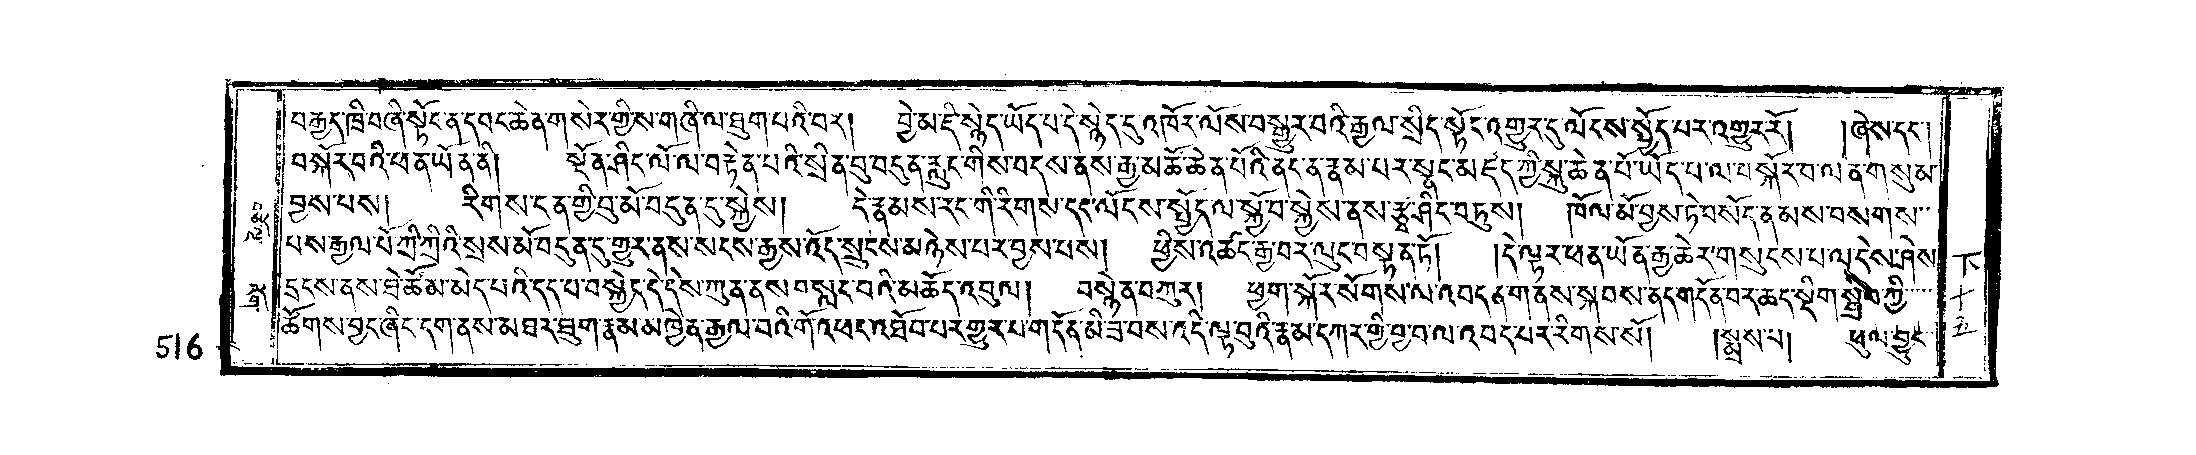བརྒྱད་ཁྲི་བཞི་སྟོང་ན་དབང་ཆེན་གསེར་གྱི་ས་གཞི་ལ་ཐུག་པའི་བར། བྱེ་མ་ཇི་སྙེད་ཡོད་པ་དེ་སྙེད་དུ་འཁོར་ལོས་བསྒྱུར་བའི་རྒྱལ་སྲིད་སྟོང་འགྱུར་དུ་ལོངས་སྤྱོད་པར་འགྱུར་རོ། །ཞེས་དང་།
བསྐོར་བའི་ཕན་ཡོན་ནི། སྔོན་ཤིང་ལོ་ལ་བརྟེན་པའི་སྲིན་བུ་བདུན་རླུང་གིས་བདས་ནས་རྒྱ་མཚོ་ཆེན་པོའི་ནང་ན་རྣམ་པར་སྣང་མཛད་ཀྱི་སྐུ་ཆེན་པོ་ཡོད་པ་ལ་བསྐོར་བ་ལན་གསུམ་
བྱས་པས། རིགས་ངན་གྱི་བུ་མོ་བདུན་དུ་སྐྱེས། དེ་རྣམས་རང་གི་རིགས་དང་ལོངས་སྤྱོད་ལ་སྐྱོ་བ་སྐྱེས་ནས་རྩྭ་ཤིང་བཏུས། ཁོལ་མོ་བྱས་ཏེ་བསོད་ནམས་བསགས་
པས་རྒྱལ་པོ་ཀྲི་ཀྲིའི་སྲས་མོ་བདུན་དུ་གྱུར་ནས་སངས་རྒྱས་འོད་སྲུངས་མཉེས་པར་བྱས་པས། ཕྱིས་འཚང་རྒྱ་བར་ལུང་བསྟན་ཏོ། །དེ་ལྟར་ཕན་ཡོན་རྒྱ་ཆེར་གསུངས་པ་ལ་ངེས་ཤེས་
དྲངས་ནས་ཐེ་ཚོམ་མེད་པའི་དད་པ་བསྐྱེད་དེ་དེས་ཀུན་ནས་བསླང་བའི་མཆོད་འབུལ། བསྙེན་བཀུར། ཕྱག་སྐོར་སོགས་ལ་འབད་ན་གནས་སྐབས་ནད་གདོན་བར་ཆད་སྡིག་སྒྲིབ་ཀྱི་
ཚོགས་བྱང་ཞིང་དག་ནས་མཐར་ཐུག་རྣམ་མཁྱེན་རྒྱལ་བའི་གོ་འཕང་འཐོབ་པར་གྱུར་པ་གདོན་མི་ཟ་བས་འདི་ལྟ་བུའི་རྣམ་དཀར་གྱི་བྱ་བ་ལ་འབད་པར་རིགས་སོ། །སྨྲས་པ། ཕུལ་བྱུང་